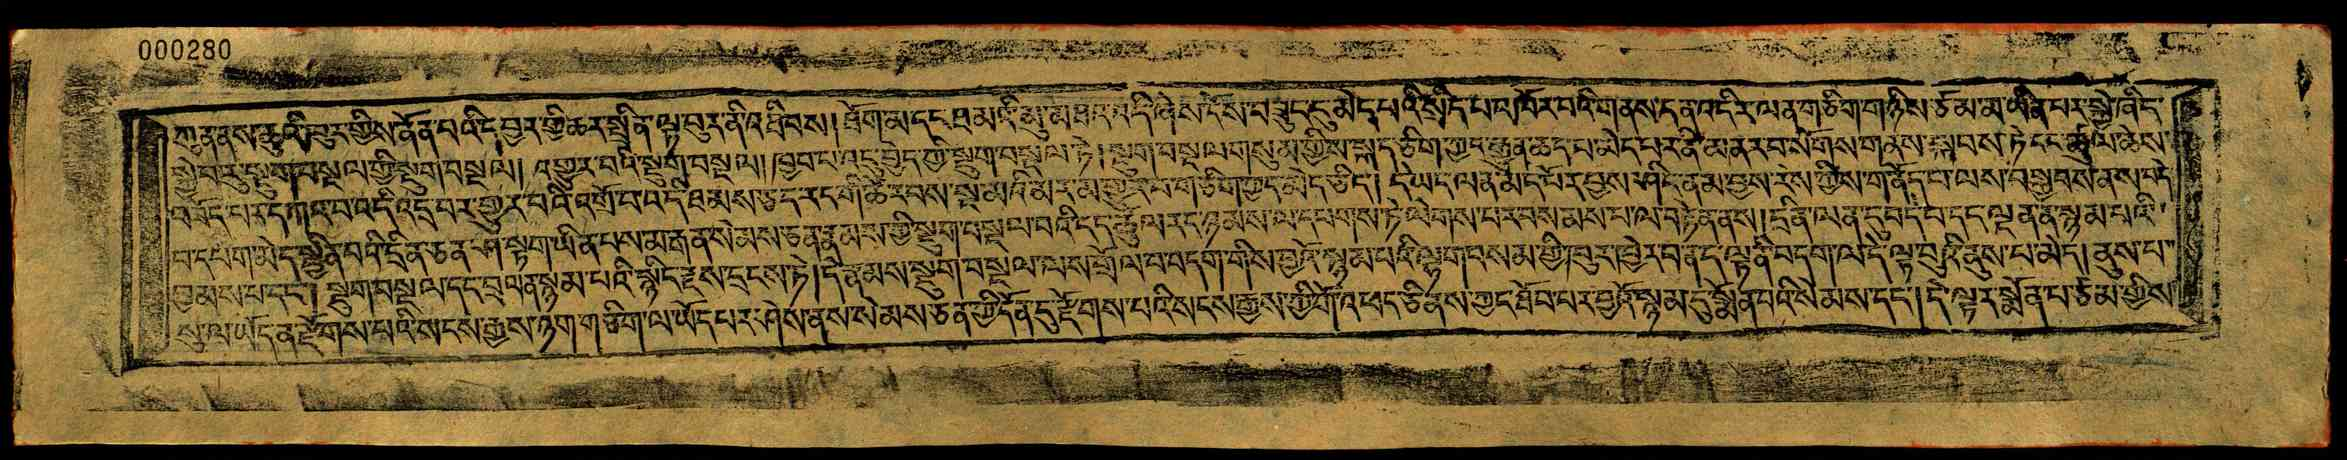ཀུན་ནས་ཆུའི་ཁུར་གྱིས་ནོན་པའི་དབྱར་གྱི་ཆར་སྤྲིན་ལྟ་བུར་ནི་འཐིབས། ཐོག་མ་དང་ཐ་མའི་མུ་མཐའ་འདི་ཞེས་ངོས་བཟུང་དུ་མེད་པའི་སྲིད་པ་འཁོར་བའི་གནས་ངན་འདིར་ལན་གཅིག་གཉིས་ཙམ་མ་ཡིན་པར་སྐྱེ་ཞིང་
སྐྱེ་བ་རུ་སྡུག་བསྔལ་གྱི་སྡུག་བསྔལ། འགྱུར་བའི་སྡུག་བསྔལ། ཁྱབ་པ་འདུ་བྱེད་ཀྱི་སྡུག་བསྔལ་ཏེ། སྡུག་བསྔལ་གསུམ་གྱིས་སྐད་ཅིག་ཀྱང་རྒྱུན་ཆད་པ་མེད་པར་ནི་མནར་བ་སོགས་གནས་སྐབས་ཏེ་ངང་ཚུལ་ཆེས་
བཟོད་པར་དཀའ་བ་འདི་འདྲ་བར་གྱུར་པའི་འགྲོ་བ་འདི་ཐམས་ཅད་རང་གི་ཚེ་རབས་སྔ་མའི་མར་མ་གྱུར་པ་གཅིག་ཀྱང་མེད་ཅིང་། དེ་ཡང་ལན་མང་པོར་བྱས་ཤིང་ནམ་བྱས་རེས་ཀྱིས་གནོད་པ་ལས་བསྐྱབས་ནས་བདེ་
བ་དཔག་མེད་སྦྱིན་པའི་དྲིན་ཅན་ཤ་སྟག་ཡིན་པས་མ་རྒན་སེམས་ཅན་རྣམས་ཀྱི་སྡུག་བསྔལ་བའི་ངང་ཚུལ་རང་ཉམས་ལ་དཔགས་ཏེ་ལེགས་པར་བསམས་པ་ལ་བརྟེན་ནས། དྲིན་ལན་དུ་བདེ་བ་དང་ལྡན་ན་སྙམ་པའི་་་
བྱམས་པ་དང་། སྡུག་བསྔལ་དང་བྲལ་ན་སྙམ་པའི་སྙིང་རྗེས་དྲངས་ཏེ། དེ་རྣམས་སྡུག་བསྔལ་ལས་གྲོལ་བ་བདག་གིས་བྱའོ་སྙམ་པའི་ལྷག་བསམ་གྱི་ཁུར་ཁྱེར་བྣད་ལྟ་ནི་བདག་ལ་དེ་ལྟ་བུའི་ནུས་པ་མེད། ནུས་པ་་་
སུ་ལ་ཡོད་ན་རྫོགས་པའི་སངས་རྒྱས་ཉག་གཅིག་ལ་ཡོད་པར་ཤེས་ནས་སེམས་ཅན་ཀྱི་དོན་དུ་རྫོགས་པའི་སངས་རྒྱས་ཀྱི་གོ་འཕང་ཅི་ནས་ཀྱང་ཐོབ་པར་བྱའོ་སྙམ་དུ་སྨོན་པའི་སེམས་དང་། དེ་ལྟར་སྨོན་པ་ཙམ་གྱིས་